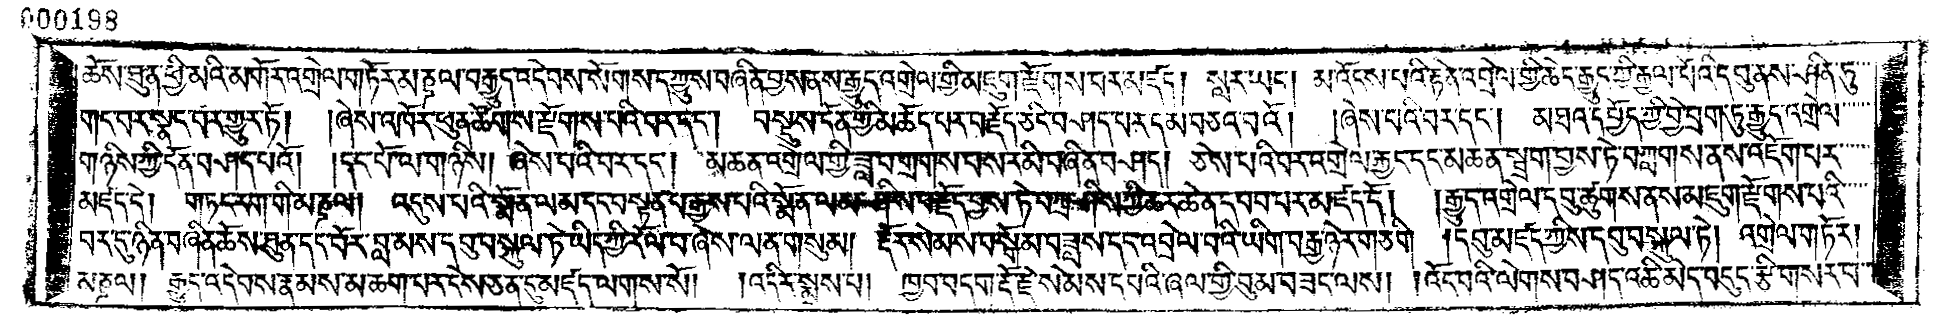ཆོས་ཐུན་ཕྱི་མའི་མགོར་འགྲེལ་གཏོར་མཎྜལ་བརྒྱུད་འདེབས་སོགས་དཀྱུས་བཞིན་བྱས་ནས་རྒྱུད་འགྲེལ་གྱི་མཇུག་རྫོགས་པར་མཛད། སླར་ཡང་། མ་འོངས་པའི་རྟེན་འབྲེལ་གྱི་ཆེད་རྒྱུད་ཀྱི་རྒྱལ་པོའི་དབུ་ནས་ཤིན་ཏུ་
གང་བར་སྣང་བར་གྱུར་ཏོ། །ཞེས་འཁོར་ཕུན་ཚོགས་རྫོགས་པའི་བར་དང་། བསྡུས་དོན་གྱི་མཆོད་པར་བརྗོད་ཅིང་བཤད་པར་དམ་བཅའ་བའོ། །ཞེས་པའི་བར་དང་། མཐའ་དཔྱོད་ཀྱི་བྱེ་བྲག་ཏུ་རྒྱུད་འགྲེལ་
གཉིས་ཀྱི་དོན་བཤད་པའོ། །དང་པོ་ལ་གཉིས། ཞེས་པའི་བར་དང་། མཆན་འགྲེལ་གྱི་ཟླ་བ་གྲགས་པས་རིམ་བཞིན་བཤད། ཅེས་པའི་བར་འགྲེལ་རྐྱང་དང་མཆན་སྦྲག་བྱས་ཏེ་བཀླགས་ནས་འཇོག་པར་
མཛད་དེ། གཏང་རག་གི་མཎྜལ། འདུས་པའི་སྨོན་ལམ་དང་བསྟན་པ་རྒྱས་པའི་སྨོན་ལམ་ཤིས་བརྗོད་བྱས་ཏེ་བཀྲ་ཤིས་ཀྱི་ཆར་ཆེན་དབབ་པར་མཛད་དོ། །རྒྱུད་འགྲེལ་དབུ་ཚུགས་ནས་མཇུག་རྫོགས་པའི་
བར་དུ་ཉིན་བཞིན་ཆོས་ཐུན་དང་པོར་བླ་མས་དབུ་བསྐུལ་ཏེ་ཡིད་ཀྱི་རོལ་བ་ཞེས་ལན་གསུམ། རྡོར་སེམས་བསྒོམ་བཟླས་དང་འབྲེལ་བའི་ཡིག་བརྒྱ་ཉེར་གཅིག །དབུ་མཛད་ཀྱིས་དབུ་བསྐུལ་ཏེ། འགྲེལ་གཏོར།
མཎྜལ། རྒྱུད་འདེབས་རྣམས་མ་ཆག་པར་ངེས་ཅན་དུ་མཛད་ལགས་སོ། །འདིར་སྨྲས་པ། ཁྱབ་བདག་རྡོ་རྗེ་སེམས་དཔའི་ཞལ་གྱི་བུམ་བཟང་ལས། །འོང་བའི་ལེགས་བཤད་འཆི་མེད་བདུད་རྩི་གསར་བ་